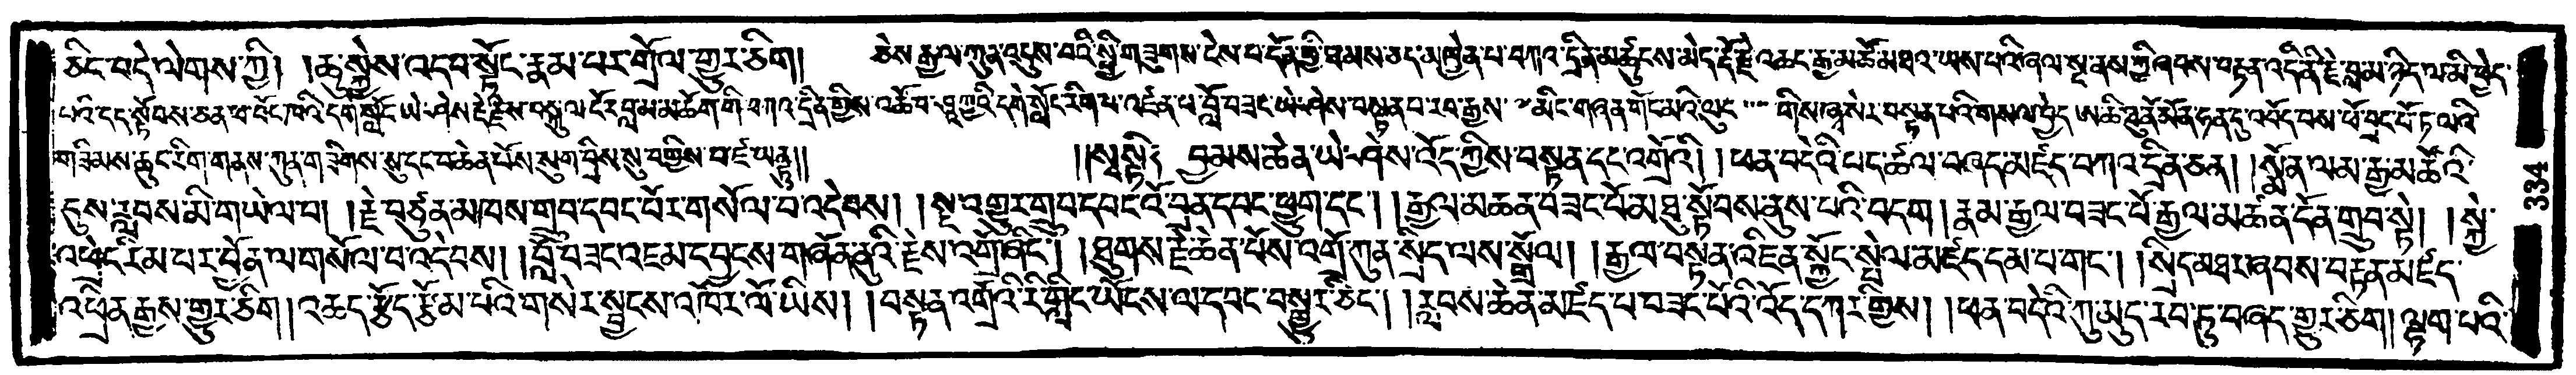ཅིང་བདེ་ལེགས་ཀྱི། །ཆུ་སྐྱེས་འདབ་སྟོང་རྣམ་པར་གྲོལ་གྱུར་ཅིག །ཅེས་རྒྱལ་ཀུན་འདུས་པའི་སྤྱི་གཟུགས་ངེས་པ་དོན་གྱི་ཐམས་ཅད་མཁྱེན་པ་བཀའ་དྲིན་མཚུངས་མེད་རྡོ་རྗེ་འཆང་རྒྱ་མཚོ་མཐའ་ཡས་པའི་ཞལ་སྔ་ནས་ཀྱི་ཞབས་བརྟན་འདི་ནི་རྗེ་བླ་མ་ཉིད་ལ་མི་ཕྱེད་
པའི་དད་སྟོབས་ཅན་ཕ་བོང་ཁའི་དགེ་སློང་ཡེ་ཤེས་རྡོ་རྗེས་བསྐུལ་ངོར་བླ་མ་མཆོག་གི་བཀའ་དྲིན་གྱིས་འཚོ་བ་ཤཱཀྱའི་དགེ་སློང་རིག་པ་འཛིན་པ་བློ་བཟང་ཡེ་ཤེས་བསྟན་པ་རབ་རྒྱས ༧་མིང་གཞན་གོང་མའི་ལུང་གིས་ཞྭ་སེར་བསྟན་པའི་གསལ་བྱེད་ཨ་ཆི་ཐུ་ནོ་མོན་ཧན་དུ་འབོད་པས་ཕོ་བྲང་པོ་ཏ་ལའི་
གཟིམས་ཆུང་རིག་གནས་ཀུན་གཟིགས་སུ་དང་བ་ཆེན་པོས་སུག་བྲིས་སུ་བགྱིས་བ་ཛ་ཡནྟུ།། །།སྭ་སྟི། བྱམས་ཆེན་ཡེ་ཤེས་འོད་ཀྱིས་བསྟན་དང་འགྲོའི། །ཕན་བདེའི་པད་ཚལ་བཞད་མཛད་བཀའ་དྲིན་ཅན། །སྨོན་ལམ་རྒྱ་མཚོའི་
དུས་རླབས་མི་གཡེལ་བ། །རྗེ་བཙུན་མཁས་གྲུབ་དབང་པོར་གསོལ་བ་འདེབས། །སྔ་འགྱུར་གྲུབ་དབང་འོ་བྲན་དབང་ཕྱུག་དང་། །རྒྱལ་མཚན་བཟང་པོ་མཐུ་སྟོབས་ནུས་པའི་བདག །རྣམ་རྒྱལ་བཟང་པོ་རྒྱལ་མཚན་དོན་གྲུབ་སྟེ། །སྐྱེ་
འཕྲེང་རིམ་པར་བྱོན་ལ་གསོལ་བ་འདེབས། །བློ་བཟང་འཇམ་དབྱངས་གཞོན་ནུའི་རྗེས་འགྲོ་ཞིང་། །ཐུགས་རྗེ་ཆེན་པོས་འགྲོ་ཀུན་སྲིད་ལས་སྒྲོལ། །རྒྱལ་བསྟན་འཛིན་སྐྱོང་སྤེལ་མཛད་དམ་པ་གང་། །སྲིད་མཐར་ཞབས་བརྟན་མཛད་
འཕྲིན་རྒྱས་གྱུར་ཅིག །འཆད་རྩོད་རྩོམ་པའི་གསེར་སྦྱངས་འཁོར་ལོ་ཡིས། །བསྟན་འགྲོའི་རི་གླིང་ཡོངས་ལ་དབང་བསྒྱུར་ཅིང་། །རླབས་ཆེན་མཛད་པ་བཟང་པོའི་འོད་དཀར་གྱིས། །ཕན་བདེའི་ཀུ་མུད་རབ་ཏུ་བཞད་གྱུར་ཅིག །ལྷག་པའི་